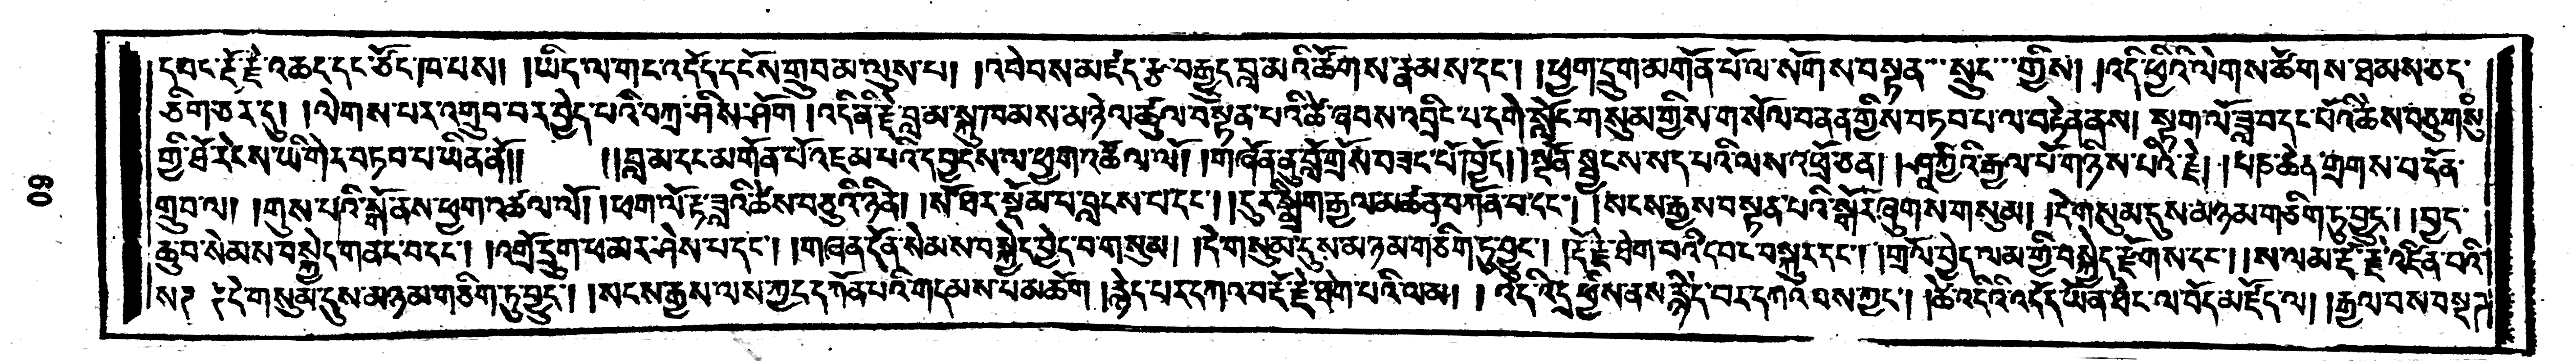དབང་རྡོ་རྗེ་འཆང་དང་ཙོང་ཁ་པས། །ཡིད་ལ་གང་འདོད་དངོས་གྲུབ་མ་ལུས་པ། །འབེབས་མཛད་རྩ་བརྒྱུད་བླ་མའི་ཚོགས་རྣམས་དང་། །ཕྱག་དྲུག་མགོན་པོ་ལ་སོགས་བསྟན་སྲུང་གྱིས། །འདི་ཕྱིའི་ལེགས་ཚོགས་ཐམས་ཅད་
ཅིག་ཅར་དུ། །ལེགས་པར་འགྲུབ་བར་བྱེད་པའི་བཀྲ་ཤིས་ཤོག །འདི་ནི་རྗེ་བླ་མ་སྐུ་ཁམས་མཉེལ་ཚུལ་བསྟན་པའི་ཚེ་ཞབས་འབྲིང་པ་དགེ་སློང་གསུམ་གྱིས་གསོལ་བ་ནན་གྱིས་བཏབ་པ་ལ་བརྟེན་ནས། སྟག་ལོ་ཟླ་བ་དང་པོའི་ཆེས་བཅུ་གསུཾ་
གྱི་ཐོ་རེངས་ཡི་གེར་བཏབ་པ་ཡིན་ནོ།། །།བླ་མ་དང་མགོན་པོ་འཇམ་པའི་དབྱངས་ལ་ཕྱག་འཚལ་ལོ། །གཞོན་ནུ་བློ་གྲོས་བཟང་པོ་ཁྱོད། །སྔོན་སྦྱངས་སད་པའི་ལས་འཕྲོ་ཅན། །ཤཱ་ཀྱིའི་རྒྱལ་པོ་གཉིས་པའི་རྗེ། །པཎ་ཆེན་གྲགས་པ་དོན་
གྲུབ་ལ། །གུས་པའི་སྒོ་ནས་ཕྱག་འཚལ་ལོ། །ཕག་ལོ་རྟ་ཟླའི་ཚེས་བཅུའི་ཉིན། །སོ་ཐར་སྡོམ་པ་བླངས་པ་དང་། །དུར་སྨྲིག་རྒྱལ་མཚན་བཀོན་པ་དང་། །སངས་རྒྱས་བསྟན་པའི་སྒོར་ཞུགས་གསུམ། །དེ་གསུམ་དུས་མཉམ་གཅིག་ཏུ་བྱུང་། །བྱང་
ཆུབ་སེམས་བསྐྱེད་གནང་བ་དང་། །འགྲོ་དྲུག་ཕ་མར་ཤེས་པ་དང་། །གཞན་དོན་སེམས་བསྐྱེད་བྱེད་བ་གསུམ། །དེ་གསུམ་དུས་མཉམ་གཅིག་ཏུ་བྱུང་། །རྡོ་རྗེ་ཐེག་པའི་དབང་བསྐུར་དང་། །གྲོལ་བྱེད་ལམ་གྱི་བསྐྱེད་རྫོགས་དང་། །ས་ལམ་རྡོ་རྗེ་འཛིན་བའི་
ས༑?  ༑དེ་གསུམ་དུས་མཉམ་གཅིག་ཏུ་བྱུང་། །སངས་རྒྱས་ལས་ཀྱང་དཀོན་པའི་གདམས་པ་མཆོག །རྙེད་པར་དཀའ་བ་རྡོ་རྗེ་ཐེག་པའི་ལམ། །འདི་འདྲ་ཕྱིས་ནས་རྙེད་པར་དཀའ་བས་ཀྱང་། །ཚེ་འདིའི་འདོད་ཡོན་ཐེང་ལ་བོད་མཛོད་ལ། །རྒྱལ་བས་བསྡགས?